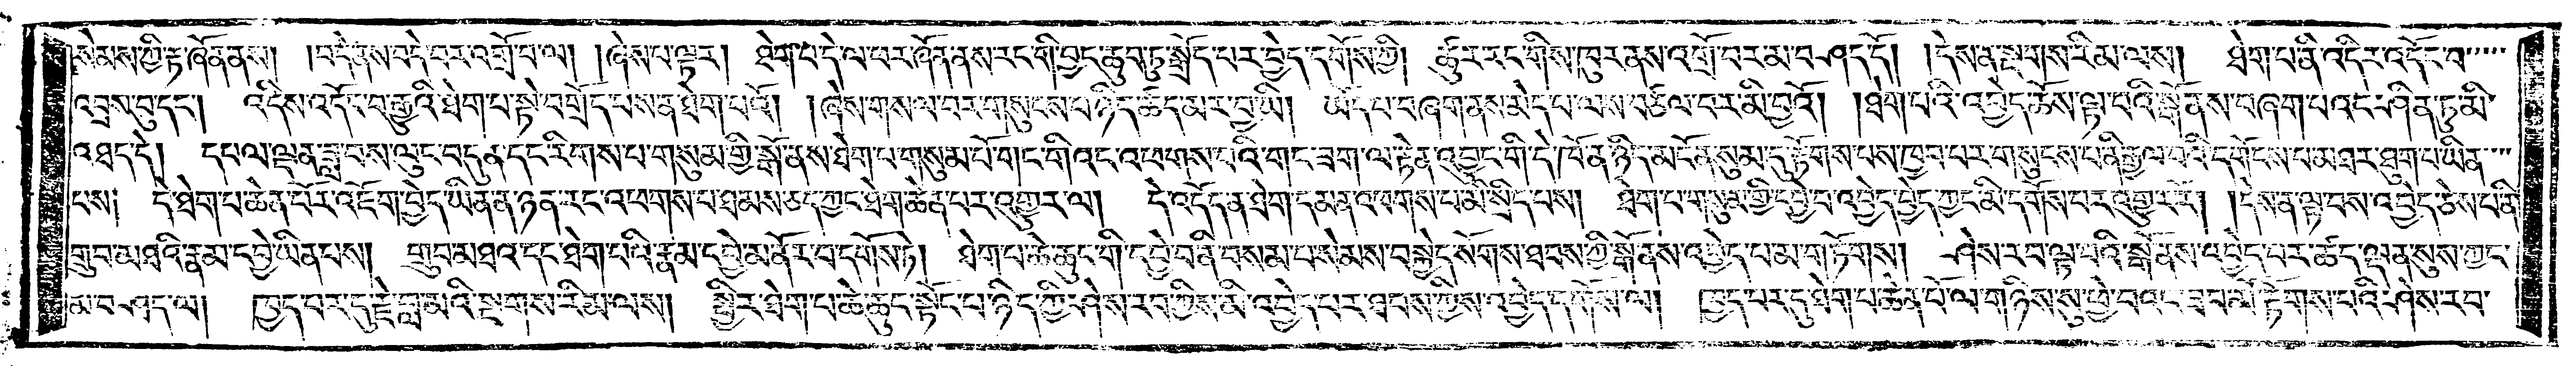སེམས་ཀྱི་རྟ་ཞོན་ནས། །བདེ་ནས་བདེ་བར་འགྲོ་བ་ལ། །ཞེས་པ་ལྟར། ཐེག་བདེ་ལ་བར་ཞོན་ནས་རང་གི་བྱང་ཆུབ་ཏུ་སྒྲོད་པར་བྱེད་དགོས་ཀྱི། ཚུར་རང་གིས་ཁུར་ནས་འགྲོ་བར་མ་བཤད་དོ། །དེས་ན་སྔགས་རིམ་ལས། ཐེག་པ་ནི་འདིར་འདོང་བ་
འབྲས་བུ་དང་། འདིས་འདོང་བ་རྒྱུའི་ཐེག་པ་སྟེ་བགྲོད་པས་ན་ཐེག་པའོ། །ཞེས་གསལ་བར་གསུངས་པ་ཉིད་ཚད་མར་བྱ་ཡི། ཡོད་པ་བཞག་ནས་མེད་པ་ལས་བཙལ་བར་མི་བྱའོ། །ཐེག་པའི་འབྱེད་ཆོས་ལྟ་བའི་སྒོ་ནས་བཞག་པའང་ཤིན་ཏུ་མི་
འཐད་དེ། དཔལ་ལྡན་ཟླ་བས་ལུང་བདུན་དང་རིགས་པ་གསུམ་གྱི་སྒོ་ནས་ཐེག་པ་གསུམ་པོ་གང་གིའང་འཕགས་པའི་གང་ཟག་ལ་རྟེན་འབྱུང་གི་དེ་ཁོ་ན་ཉིད་མངོན་སུམ་དུ་རྟོགས་པས་ཁྱབ་པར་གསུངས་པ་ནི་རྒྱལ་བའི་དགོངས་པ་མཐར་ཐུག་པ་ཡིན་
པས༑ དེ་ཐེག་པ་ཆེན་པོར་འཇོག་བྱེད་ཡིན་ན་ཉན་རང་འཕགས་པ་ཐམས་ཅད་ཀྱང་ཐེག་ཆེན་པར་འགྱུར་ལ། དེ་འདོད་ན་ཐེག་དམན་འཕགས་པ་མི་སྲིད་པས། ཐེག་པ་གསུམ་གྱི་དབྱེ་བ་འབྱེད་བྱེད་ཀྱང་མི་དགོས་བར་འགྱུར་རོ། །དེས་ན་ལྟ་བས་འབྱེད་ཅེས་པ་ནི་
གྲུབ་མཐའི་རྣམ་དབྱེ་ཡིན་པས། གྲུབ་མཐའ་དང་ཐེག་པའི་རྣམ་དབྱེ་མ་ནོར་བ་དགོས་ཏེ། ཐེག་པ་ཆེ་ཆུང་གི་དབྱེ་བ་ནི་བསམ་པ་སེམས་བསྐྱེད་སོགས་ཐབས་ཀྱི་སྒོ་ནས་འབྱེད་པ་མ་གཏོགས། ཤེས་རབ་ལྟ་བའི་སྒོ་ནས་འབྱེད་པར་ཚད་ལྡན་སུས་ཀྱང་
མ་བཤད་ལ། ཁྱད་པར་དུ་རྗེ་བླ་མའི་སྔགས་རིམ་ལས། སྤྱིར་ཐེག་པ་ཆེ་ཆུང་སྟོང་པ་ཉིད་ཀྱི་ཤེས་རབ་ཀྱིས་མི་འབྱེད་པར་ཐབས་ཀྱིས་འབྱེད་དགོས་ལ། ཁྱད་པར་དུ་ཐེག་པ་ཆེན་པོ་ལ་གཉིས་སུ་ཕྱེ་བའང་ཟབ་མོ་རྟོགས་པའི་ཤེས་རབ་